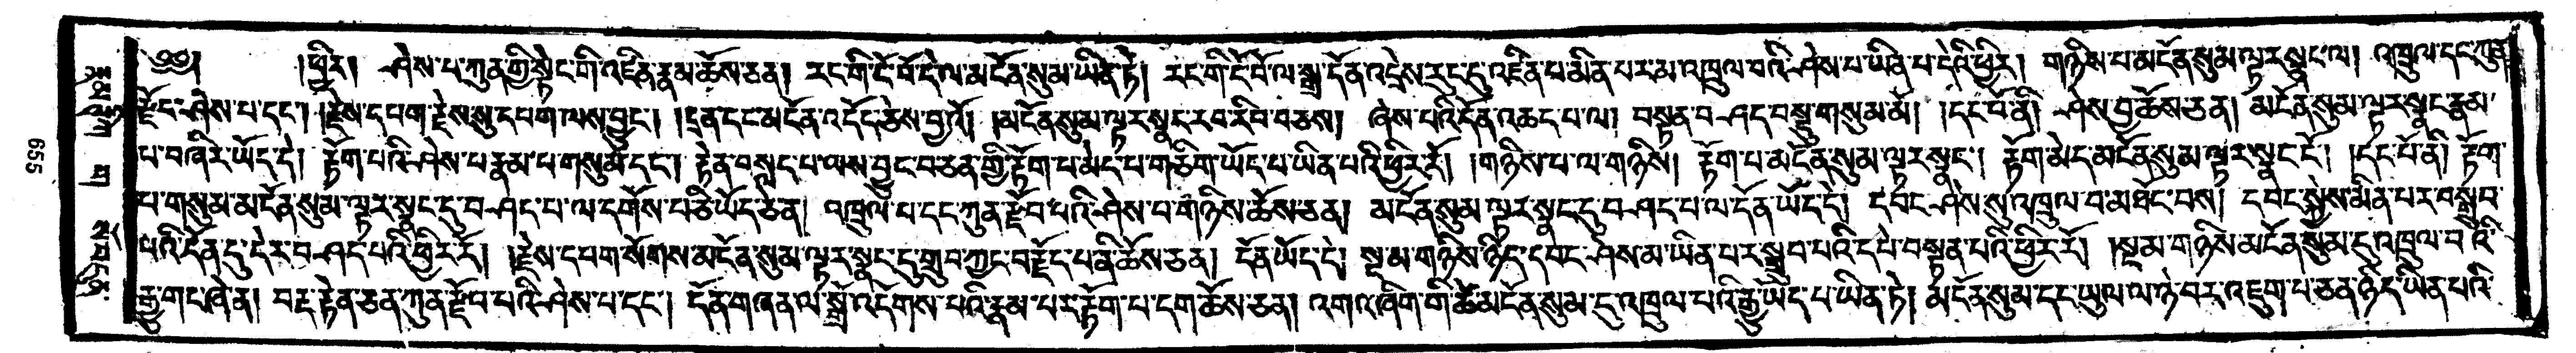༄༅། །ཕྱིར། ཤེས་པ་ཀུན་གྱི་སྟེང་གི་འཛིན་རྣམ་ཆོས་ཅན། རང་གི་ངོ་བོ་དེ་ལ་མངོན་སུམ་ཡིན་ཏེ། རང་གི་ངོ་བོ་ལ་སྒྲ་དོན་འདྲེས་རུང་དུ་འཛིན་པ་མིན་པར་མ་འཁྲུལ་བའི་ཤེས་པ་ཡིན་པ་དེའི་ཕྱིར། གཉིས་པ་མངོན་སུམ་ལྟར་སྣང་ལ། འཁྲུལ་དང་ཀུན་
རྫོབ་ཤེས་པ་དང་། །རྗེས་དཔག་རྗེས་སུ་དཔག་ལས་བྱུང་། །དྲན་དང་མངོན་འདོད་ཅེས་བྱའོ། །མངོན་སུམ་ལྟར་སྣང་རབ་རིབ་བཅས། ཞེས་པའི་དོན་འཆད་པ་ལ། བསྟན་བཤད་བསྡུ་གསུམ་མོ། །དང་པོ་ནི། ཤེས་བྱ་ཆོས་ཅན། མངོན་སུམ་ལྟར་སྣང་རྣམ་
པ་བཞིར་ཡོད་དེ། རྟོག་པའི་ཤེས་པ་རྣམ་པ་གསུམ་དང་། རྟེན་བསླད་པ་ལས་བྱུང་བ་ཅན་གྱི་རྟོག་པ་མེད་པ་གཅིག་ཡོད་པ་ཡིན་པའི་ཕྱིར་རོ། །གཉིས་པ་ལ་གཉིས། རྟོག་པ་མངོན་སུམ་ལྟར་སྣང་། རྟོག་མེད་མངོན་སུམ་ལྟར་སྣང་ངོ། །དང་པོ་ནི། རྟོག་
པ་གསུམ་མངོན་སུམ་ལྟར་སྣང་དུ་བཤད་པ་ལ་དགོས་པ་ཅི་ཡོད་ཅེ་ན། འཁྲུལ་པ་དང་ཀུན་རྫོབ་པའི་ཤེས་པ་གཉིས་ཆོས་ཅན། མངོན་སུམ་ལྟར་སྣང་དུ་བཤད་པ་ལ་དོན་ཡོད་དེ། དབང་ཤེས་སུ་འཁྲུལ་བ་མཐོང་བས། དབང་སྐྱེས་མིན་པར་བསྒྲུབ་
པའི་དོན་དུ་དེར་བཤད་པའི་ཕྱིར་རོ། །རྗེས་དཔག་སོགས་མངོན་སུམ་ལྟར་སྣང་དུ་གྲུབ་ཀྱང་བརྗོད་པ་ནི་ཆོས་ཅན། དོན་ཡོད་དེ། སྔ་མ་གཉིས་ཉིད་དབང་ཤེས་མ་ཡིན་པར་སྒྲུབ་པའི་དཔེ་བསྟན་པའི་ཕྱིར་རོ། །སྔ་མ་གཉིས་མངོན་སུམ་དུ་འཁྲུལ་བའི་
རྒྱུ་གང་ཞེ་ན། བརྡ་རྟེན་ཅན་ཀུན་རྫོབ་པའི་ཤེས་པ་དང་། དོན་གཞན་ལ་སྒྲོ་འདོགས་པའི་རྣམ་པར་རྟོག་པ་དག་ཆོས་ཅན། འགའ་ཞིག་གི་ཚེ་མངོན་སུམ་དུ་འཁྲུལ་པའི་རྒྱུ་ཡོད་པ་ཡིན་ཏེ། མངོན་སུམ་དང་ཡུལ་ལ་ཉེ་བར་འཇུག་པ་ཅན་ཉིད་ཡིན་པའི་